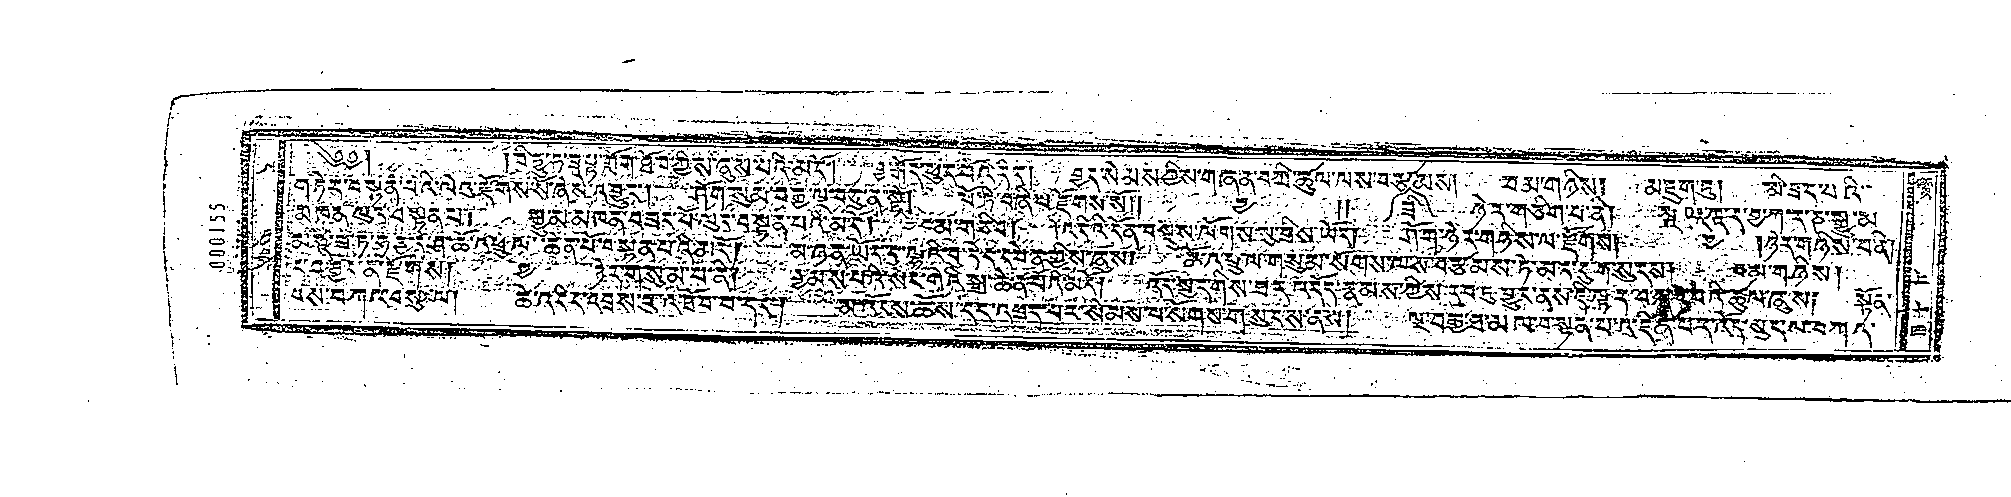༄༅། །བིཏྱུ་ཏ་བྲཱཔྟ་གློག་ཐོབ་ཀྱིས་ཞུས་པའི་མདོ། བྱ་རྒོད་ཕུང་པོའི་རིར། བྱང་སེམས་ཀྱིས་གཞན་བཀྲི་ཚུལ་ལས་བརྩམས། བམ་གཉིས། མཇུག་ཏུ། མི་ཟད་པའི་
གཏེར་བསྟན་པའི་ལེའུ་རྫོགས་སོ་ཞེས་འབྱུང་། ཤོག་སུམ་བརྒྱ་ལྔ་བཅུ་ན་སྟེ། པོ་ཏི་བཞི་པ་རྫོགས་སོ།། ༧་།། བྲ྄ི་ཉེར་གཅིག་པ་ནི། མཱ་ཡཱ་ཀཱ་ར་བྱ་ཀ་ར་ཎ་སྒྱུ་མ་
མཁན་ལུང་བསྟན་པ། སྒྱུ་མ་མཁན་བཟང་པོ་ལུང་བསྟན་པའི་མདོ། བམ་གཅིག །འདིའི་དོན་བསྡུས་ལོགས་སུ་བྲིས་ཡོད། ཤོག་ཉེར་གཉིས་ལ་རྫོགས། ༧་།ཉེར་གཉིས་པ་ནི།
མཧཱ་བྲ་ཏ་ཧཏྱ་དེ་ཤ་ཆོ་འཕྲུལ་ཆེན་པོ་བསྟན་པའི་མདོ། མཉན་ཡོད་དུ་ལྷའི་བུ་དེད་དཔོན་གྱིས་ཞུས། ཆོ་འཕྲུལ་གསུམ་སོགས་ལས་བརྩམས་ཏེ་མང་དུ་གསུངས། བམ་གཉིས།
ང་བརྒྱད་ན་རྫོགས། ༧་ཉེར་གསུམ་པ་ནི། བྱམས་པའི་སེང་གེའི་སྒྲ་ཆེན་པོའི་མདོ། འོད་སྲུང་གིས་ཐར་འདོད་རྣམས་ཀྱིས་རབ་ཏུ་བྱུང་ནས་ཇི་ལྟར་བསླབ་པའི་ཚུལ་ཞུས། སྟོན་
པས་བཀའ་བསྩལ། ཚེ་འདིར་འབྲས་བུ་འཐོབ་བ་དང་། མ་འོངས་ཆོས་དང་འཕྲད་པར་སེམས་པ་སོགས་གསུངས་ནས། ལྔ་བརྒྱ་ཐ་མལ་བསྟན་པ་འཛིན་པར་འོད་སྲུང་ལ་བཀའ་